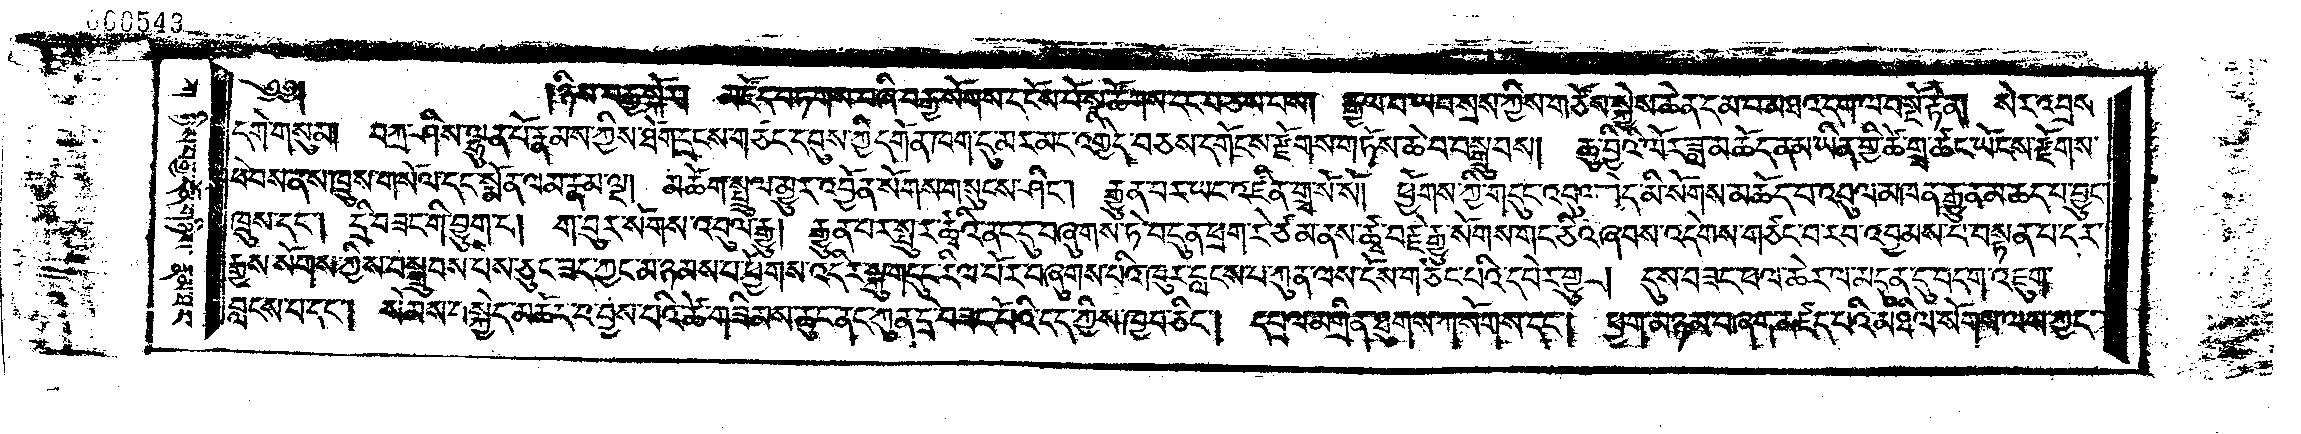༄༅། །ཉིས་བརྒྱ་སྐོར། མཛོད་བཏགས་བཞི་བརྒྱ་སོགས་དངོས་པོ་སྣ་ཚོགས་དང་བཅས་པས། རྒྱལ་བ་ཡབ་སྲས་ཀྱིས་གཙོས་སྐྱེས་ཆེན་དམ་པ་མཐའ་དག་ལ་བསྔོ་རྟེན། སེར་འབྲས་
དགེ་གསུམ། བཀྲ་ཤིས་ལྷུན་པོ་རྣམས་ཀྱིས་ཐོག་དྲངས་གཙང་དབུས་ཀྱི་དགོན་ཁག་དུ་མར་མང་འགྱེད་བཅས་དགོངས་རྫོགས་གཏོས་ཆེ་བ་བསྒྲུབས། ཆུ་བྱིའི་ལོར་ཟླ་མཆོད་ནམ་ཡིན་གྱི་ཚེ་གྲྭ་ཚང་ཡོངས་རྫོགས་
ཕེབས་ནས་ཁྲུས་གསོལ་དང་སྨོན་ལམ་རྣམ་ལྔ། མཆོག་སྤྲུལ་མྱུར་འབྱོན་སོགས་གསུངས་ཤིང་། རྒྱུན་པར་ཡང་འཛིན་གྲྭ་སོ་སོ། ཕྱོགས་ཀྱི་གདུང་འབུལ་བྱེད་མི་སོགས་མཆོད་པ་འབུལ་མཁན་རྒྱུན་མ་ཆད་པ་བྱུང་
ཁྲུས་དང་། དྲི་བཟང་གི་བྱུགས་པ། ག་བུར་སོགས་འབུལ་རྒྱུ། རྒྱུན་པར་སྤུར་ཚྭའི་ནང་དུ་བཞུགས་ཏེ་བདུན་ཕྲག་རེ་ཙམ་ནས་ཚྭ་བརྗེ་རྒྱུ་སོགས་གང་ཅིའི་ཞབས་འདེགས་གཙང་བ་རབ་འབྱམས་པ་བསྟན་པ་དར་
རྒྱས་སོགས་ཀྱིས་བསྒྲུབས་པས་ཅུང་ཟད་ཀྱང་མ་ཉམས་པ་ཕྱོགས་འདིར་སྐུ་གདུང་རིལ་བོར་བཞུགས་པའི་ཁུར་བླངས་པ་ཀུན་ལས་ངོས་གཙང་པའི་དཔེར་གྱུར། དུས་བཟང་ཕལ་ཆེར་ལ་མདུན་དུ་བདག་འཇུག་
བླངས་པ་དང་། སེམས་བསྐྱེད་མཆོད་པ་བྱས་པའི་ཚེ་གཟིམས་ཆུང་ནང་ཀུན་དྲི་བཟང་པོའི་ངད་ཀྱིས་ཁྱབ་ཅིང་། དཔྲལ་མགྲིན་ཐུགས་ཀ་སོགས་དང་། ཕྱག་མཉམ་བཞག་མཛད་པའི་མཐིལ་སོགས་ལས་ཀྱང་